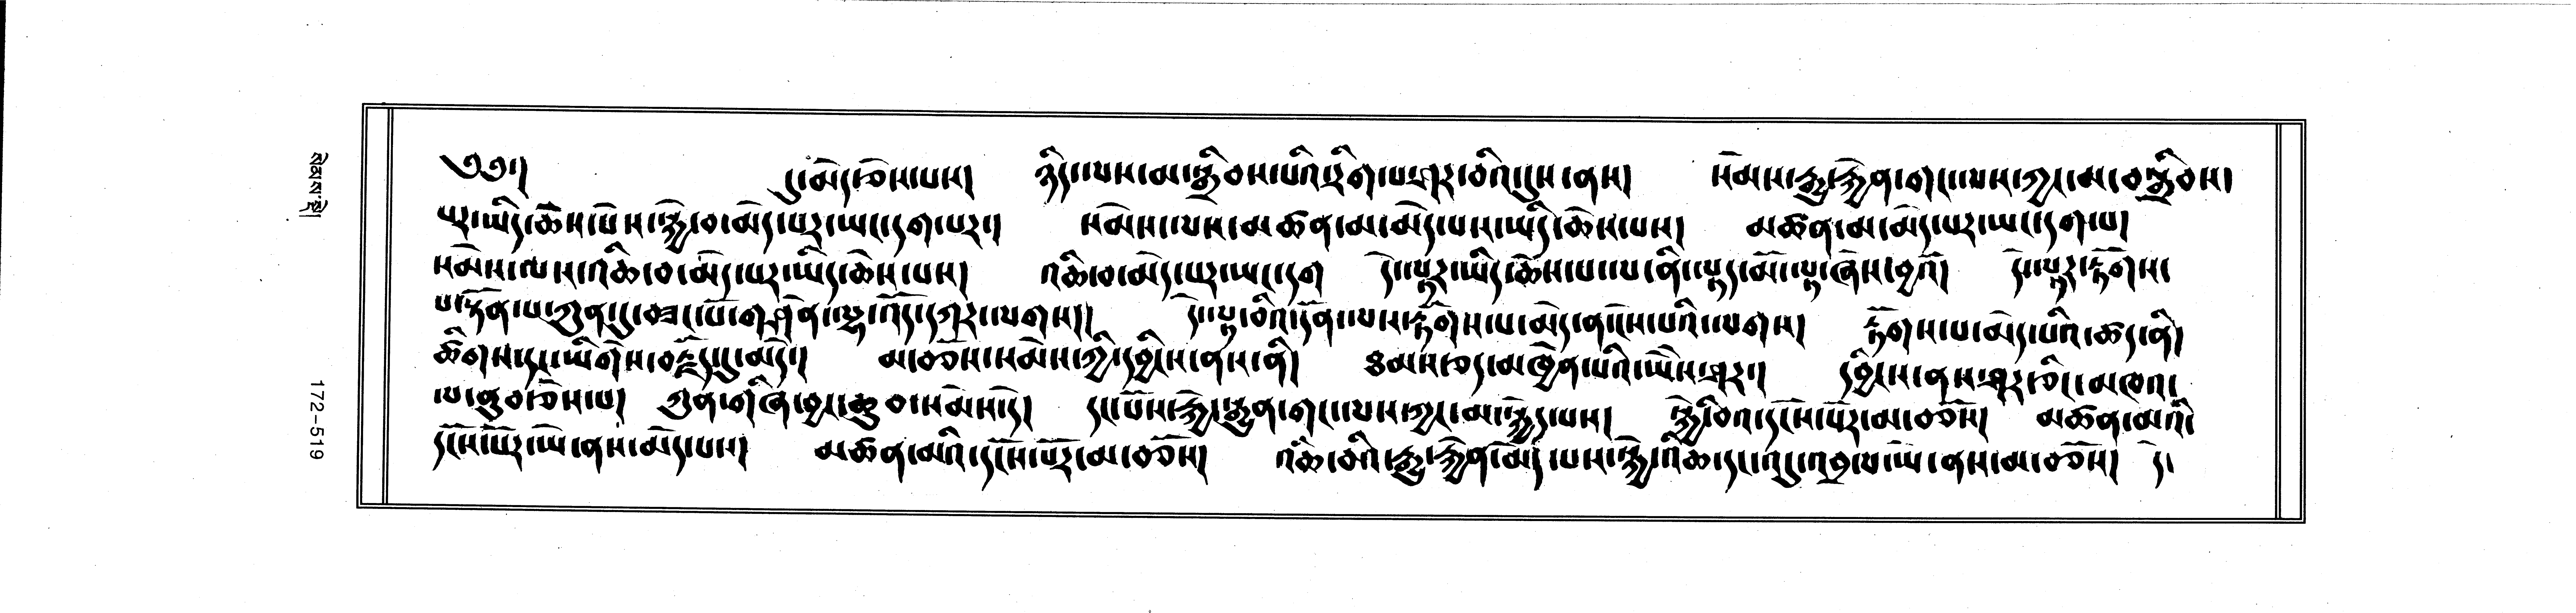ཉིད་ལས་མ་སྒྲིབས་པའི་རིག་པ་ཤར་བའི་དུས་ནས། སེམས་རྒྱུ་རྐྱེན་གང་ལས་ཀྱང་མ་བསྒྲིབས་
པར་ཡིད་ཆེས་པས་སྐྱེ་བ་མེད་པར་ཡང་དག་པར། སེམས་ལས་མཚན་མ་མེད་པས་ཡིད་ཆེས་པས། མཚན་མ་མེད་པར་ཡང་དག་པ། 
སེམས་ལས་འཆི་བ་མེད་པར་ཡིད་ཆེས་པས། འཆི་བ་མེད་པར་ཡང་དག་དེ་ལྟར་ཡིད་ཆེས་པ་ལ་ནི་ལྟད་མོ་ལྟ་ཞེས་བྱའོ། དེ་ལྟར་རྟོགས་
པ་སྟོན་པ་ཀུན་ཏུ་བཟང་པོ་གཤེན་ལྷ་འོད་དཀར་ལགས། དེ་ལྟ་བའི་དོན་ལས་རྟོགས་པ་མེད་ན་ངེས་པའི་ལགས། རྟོགས་པ་མེད་པའི་ཚད་ནི་
ཚིག་དང་ཡིག་གེས་བརྗོད་དུ་མེད། མ་བཅོས་སེམས་ཀྱི་དབྱིངས་ནས་ནི། ཐམས་ཅད་མཁྱེན་པའི་ཡེ་ཤེས་ཤར། དབྱིངས་ནས་ཤར་ཅིང་མཁའ་
ལ་ནུབ་ཅེས་པ། ཀུན་གཞི་བྱང་ཆུབ་སེམས་དེ། དང་པོས་རྐྱེ་རྒྱུན་གང་ལས་ཀྱང་མ་སྐྱེད་པས། སྐྱེ་བའི་དངོས་པོར་མ་བཅོས། མཚན་མའི་
དངོས་པོར་ཡེ་ནས་མེད་པས། མཚན་མའི་དངོས་པོར་མ་བཅོས། འཆི་བའི་རྒྱུ་རྐྱེན་མེད་པས་སྐྱེ་འཆི་དང་འདུ་འབྲལ་ཡོ་ནས་མ་བཅོས། དེ་